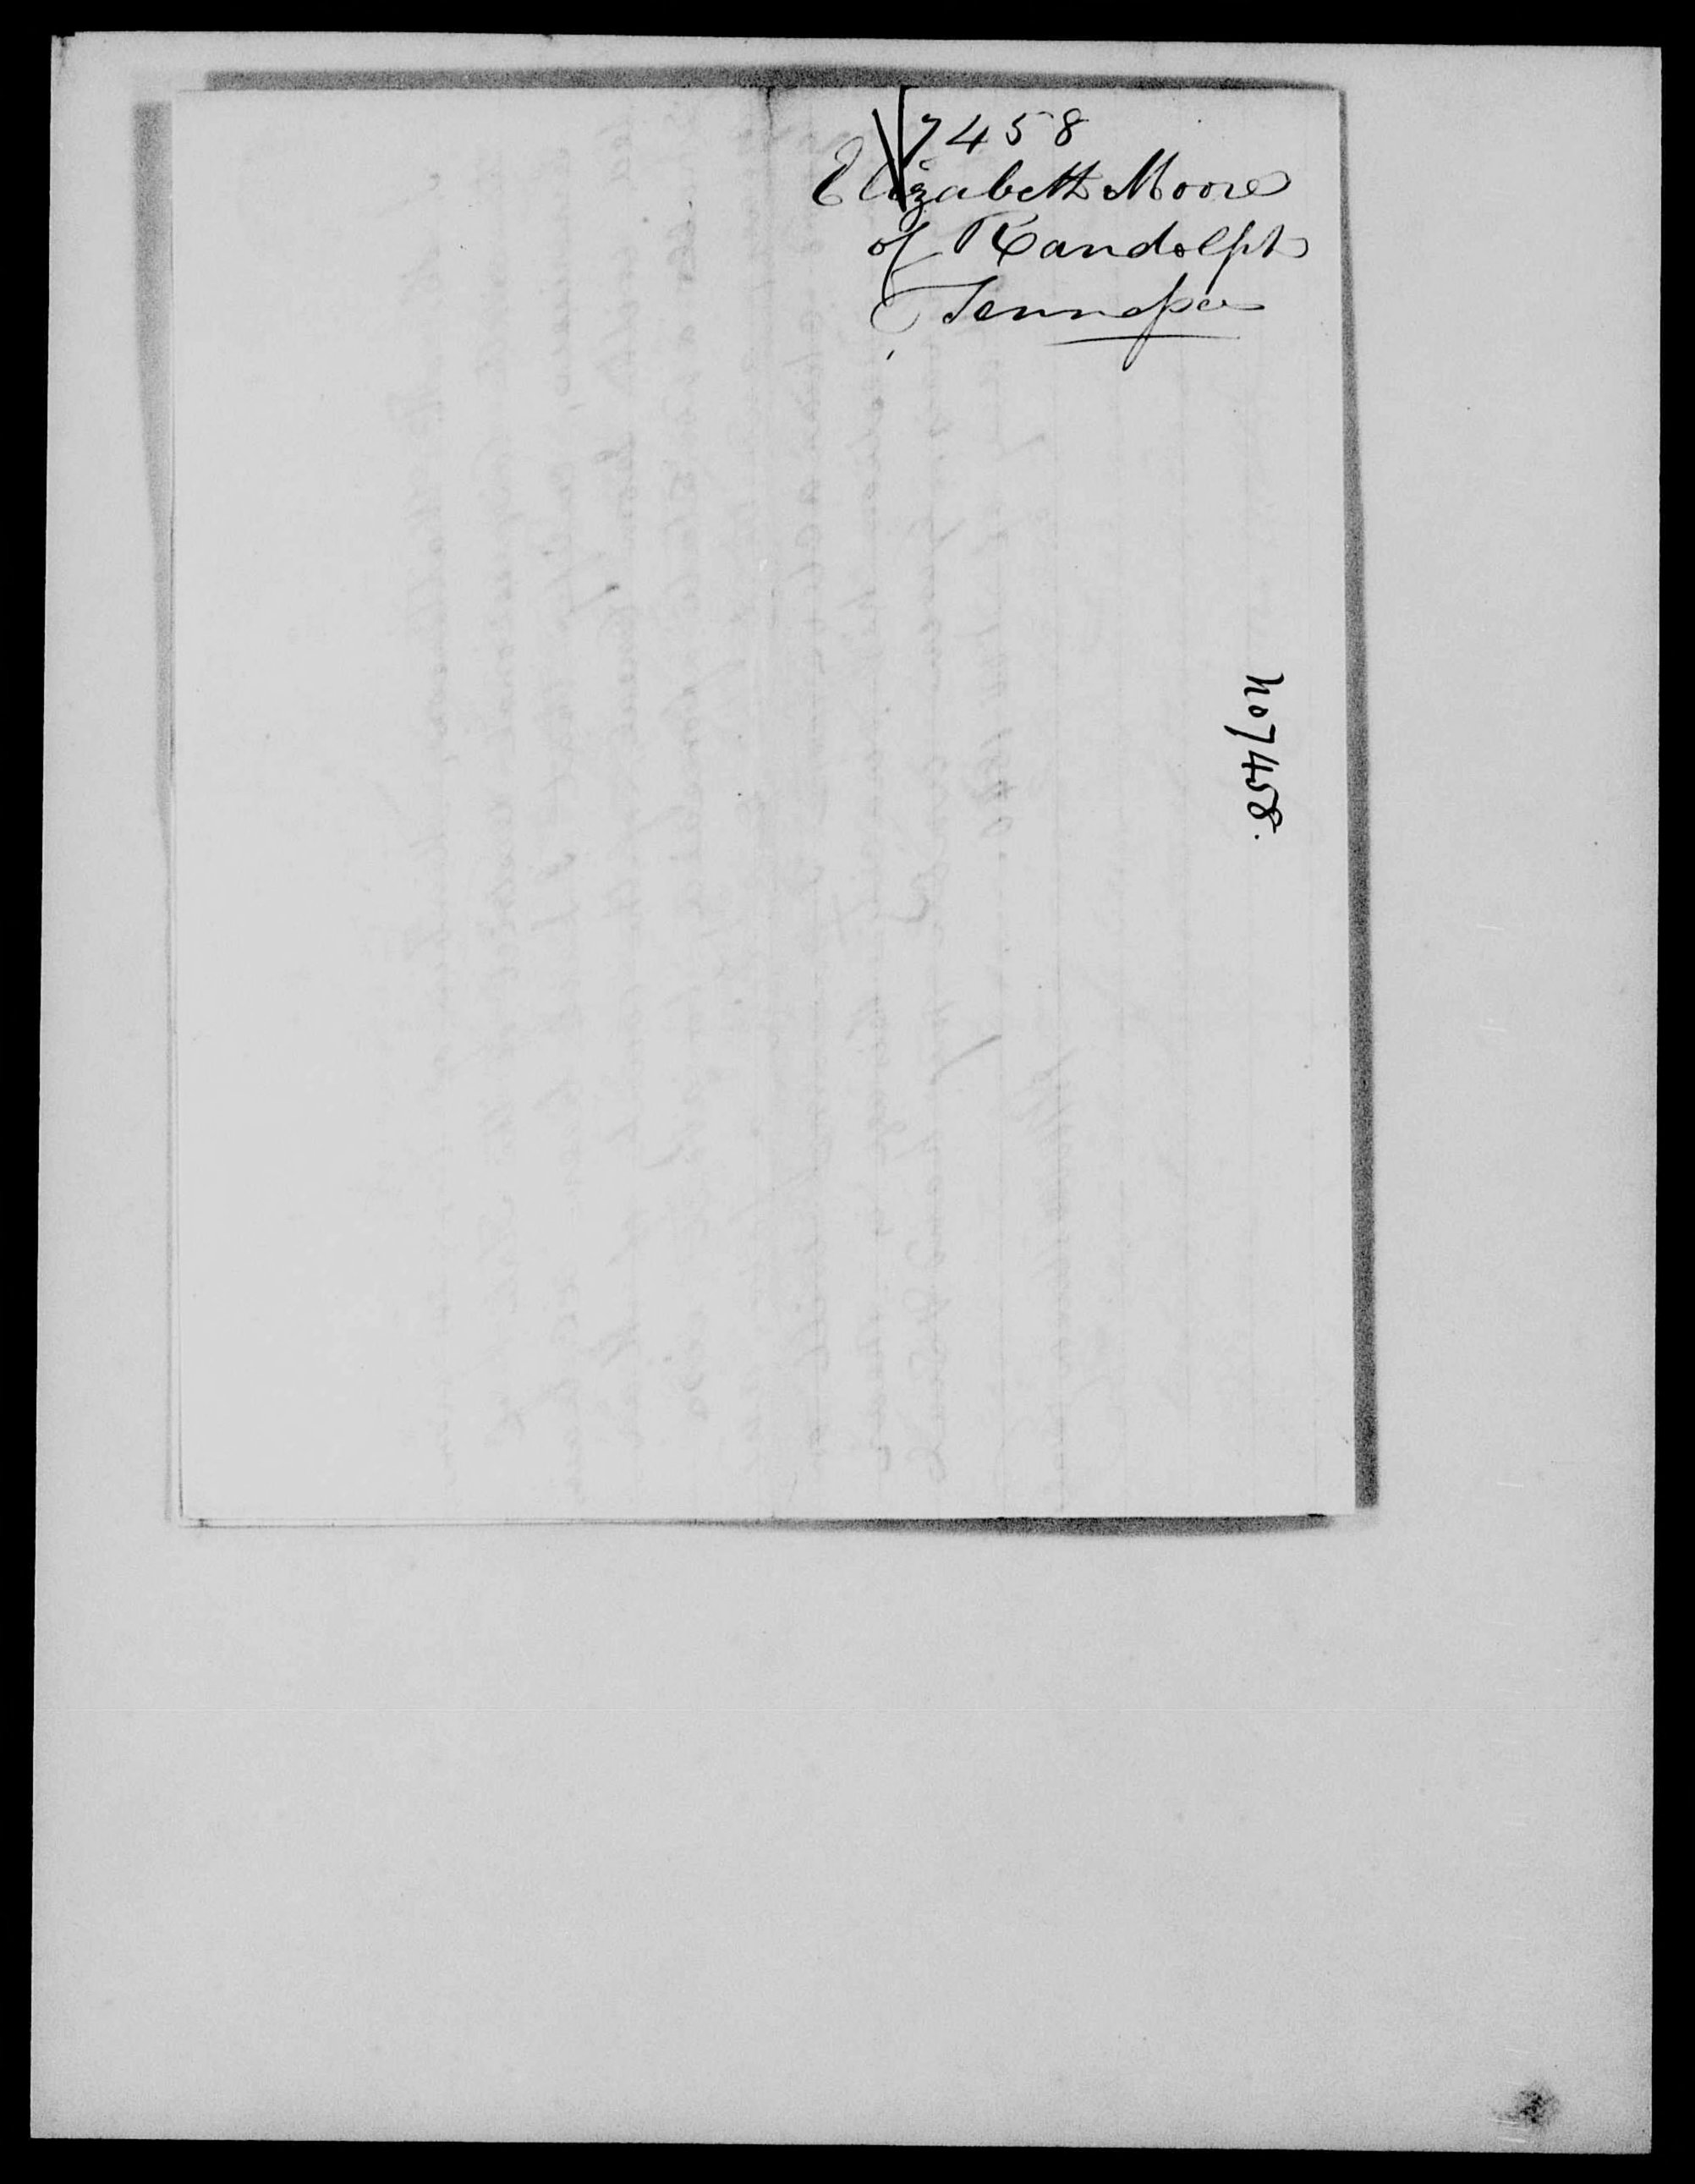7458
Elizabeth Moore
of Randolph
Tennessee


No. 7458.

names: Elizabeth Moore; Randolph [BLANK]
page: 14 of 33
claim: widow's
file: W. 52, for Randolph Moore, North Carolina